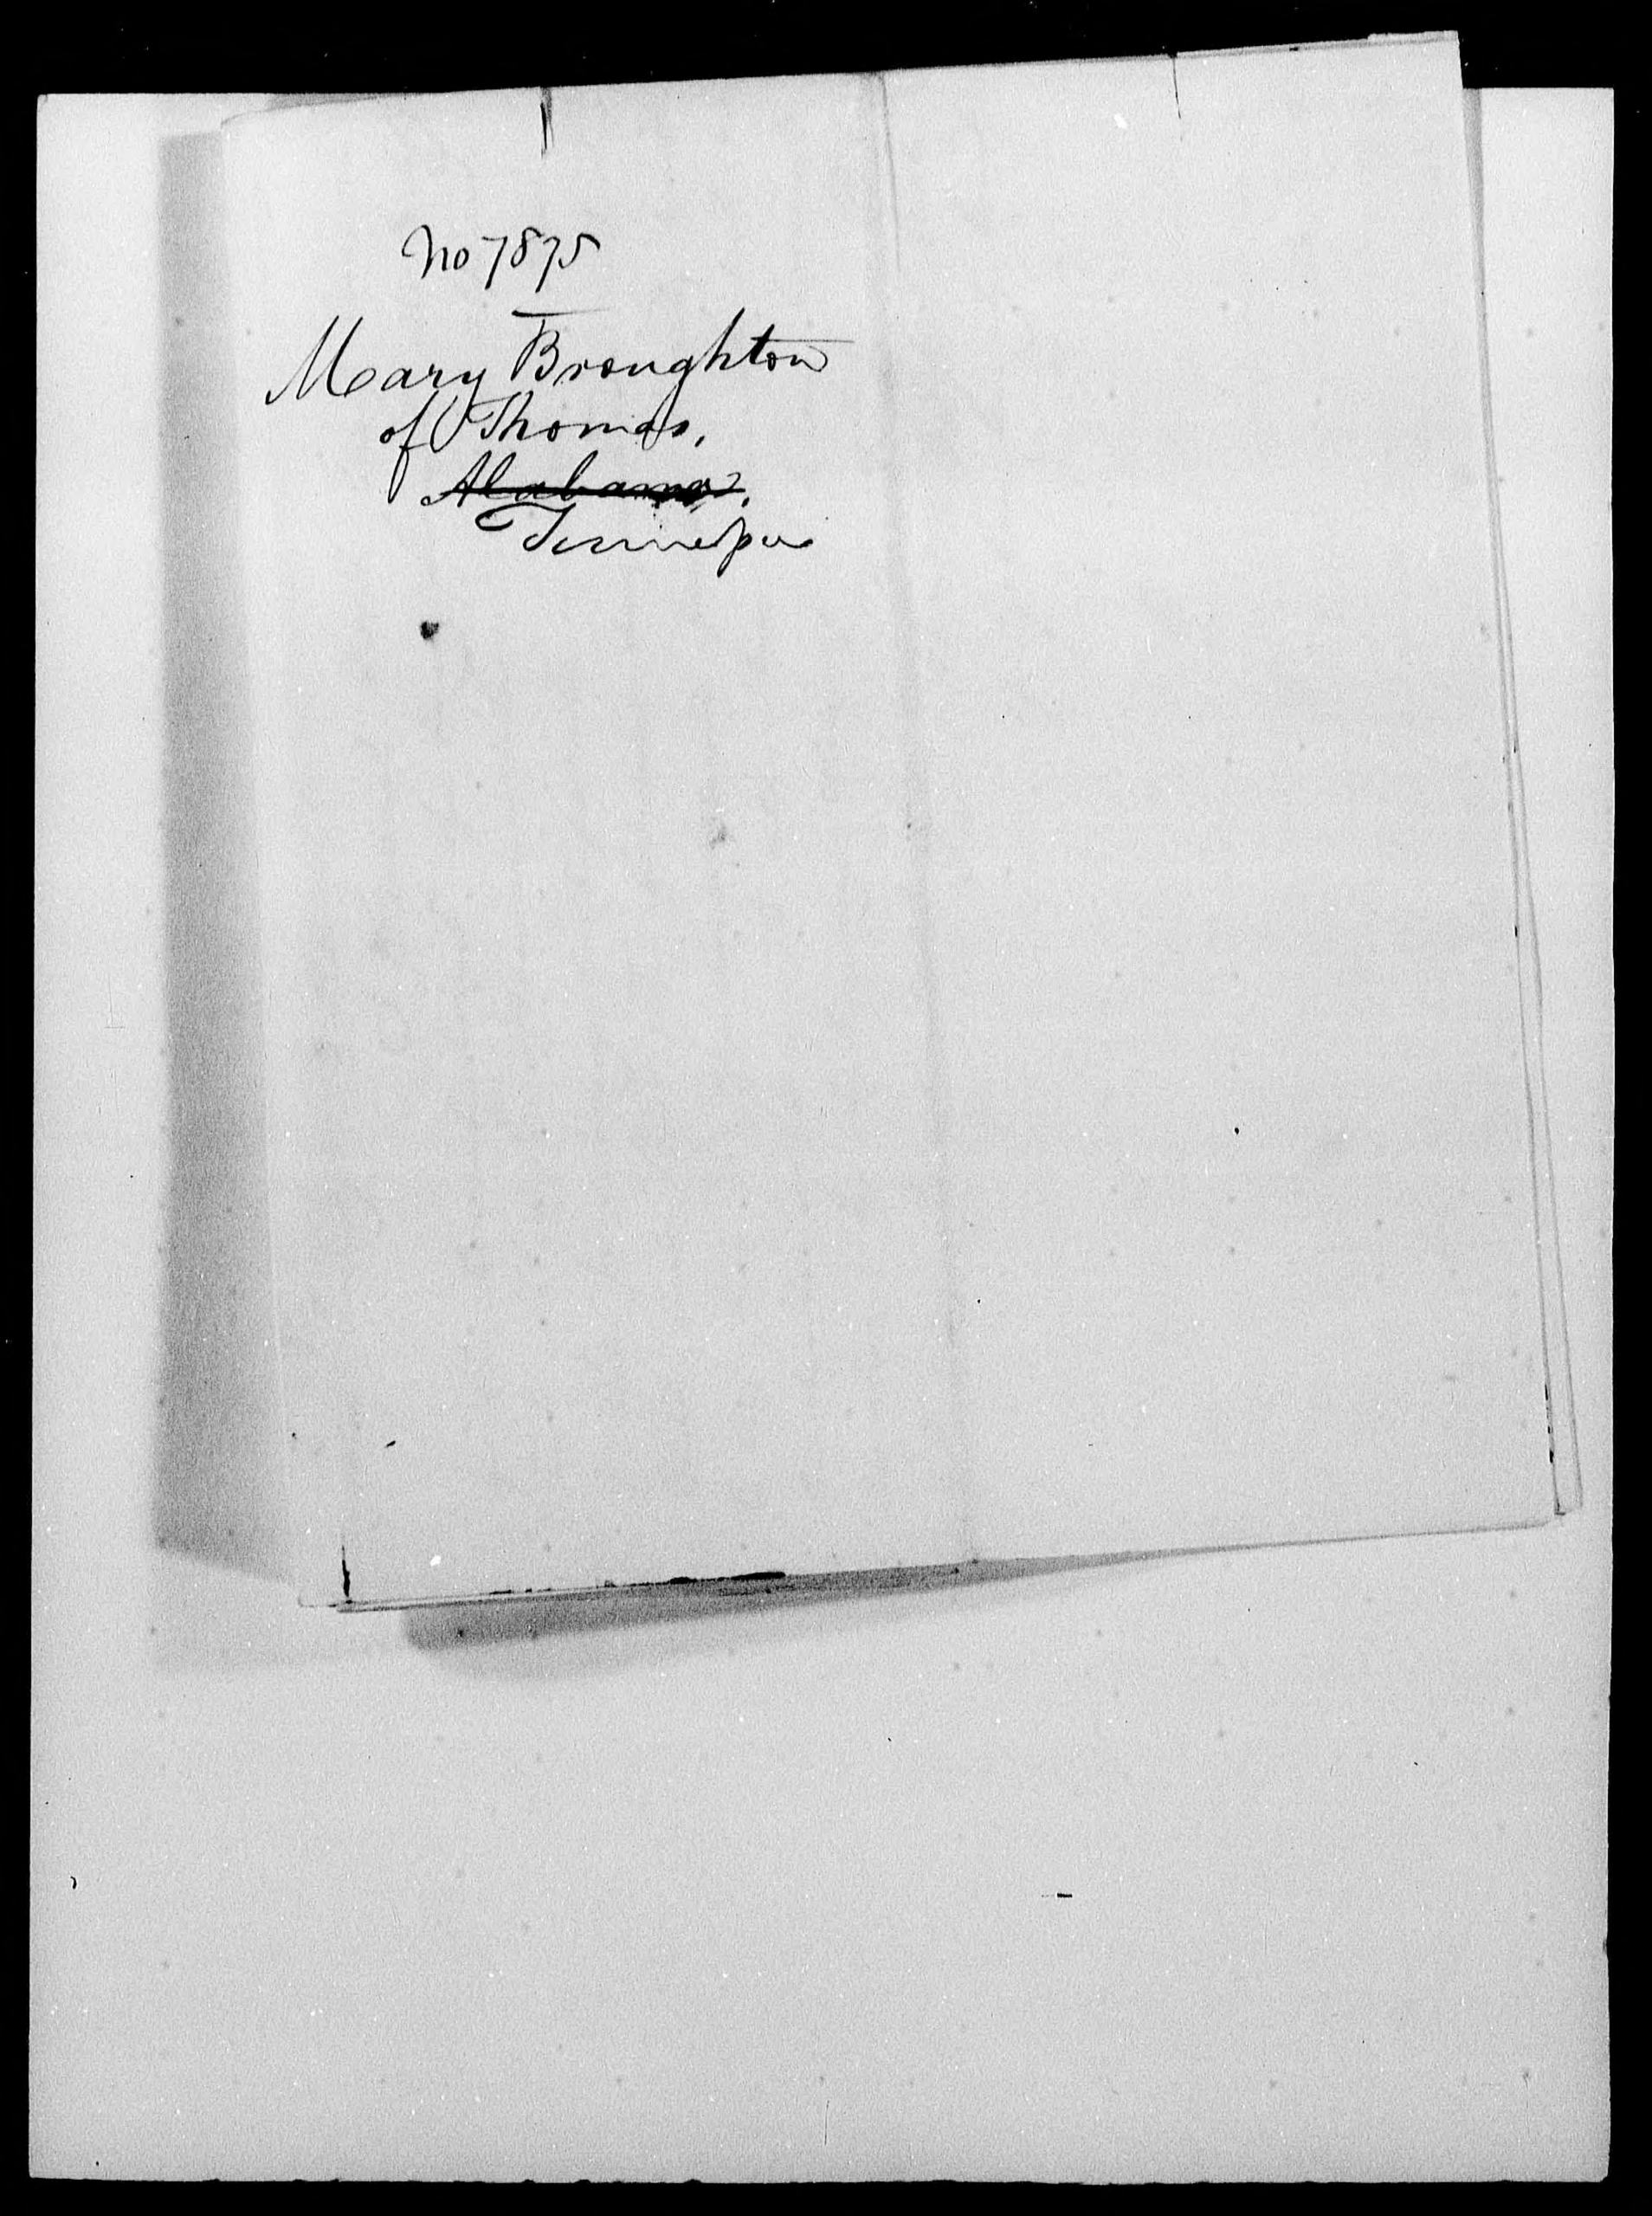No 7875
-
Mary Broughton
of Thomas
Tennessee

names: Mary Broughton, Thomas Broughton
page: 14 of 72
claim: widow's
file: W. 897, Thomas Broughton, S.C.